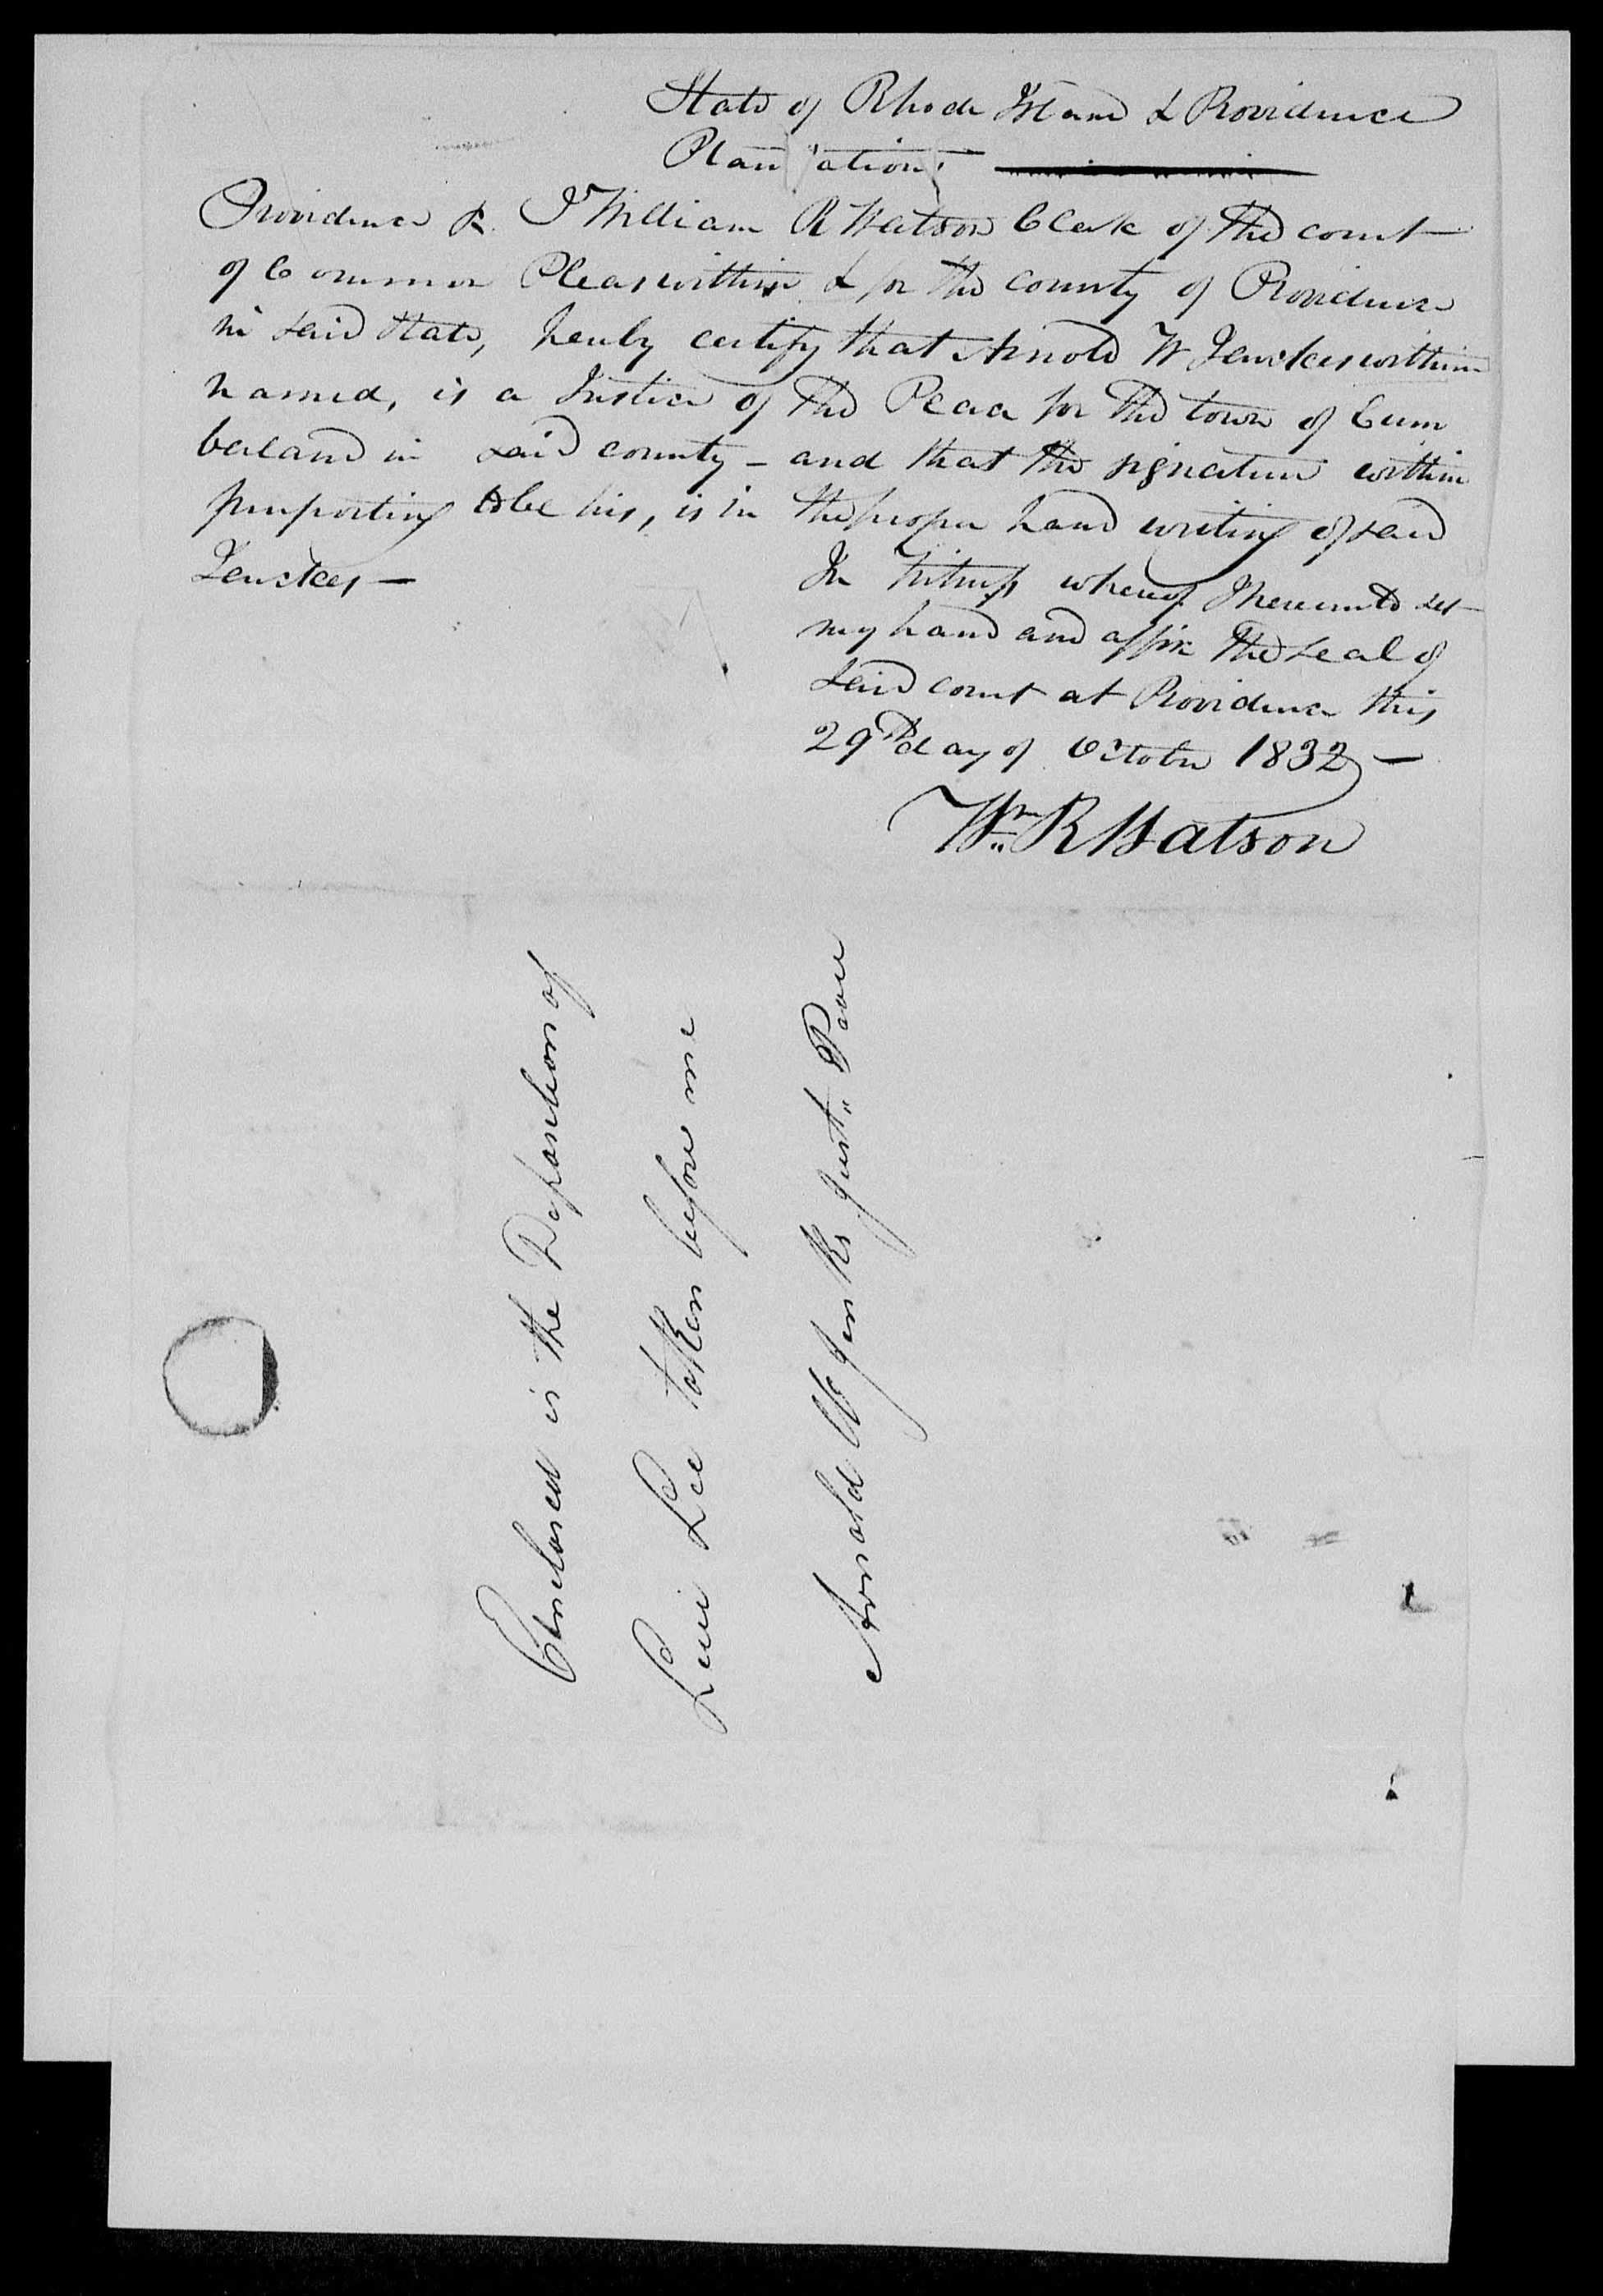State of Rhode Island & Providence Plantations. Providence Sc. I William R. Watson Clerk of the Court of Common Pleas within & for the county of Providence in said state, hereby certify that Arnold W. Jenkes within named, is a Justice of the Peace for the town of Cumberland in said county, and that the signature within purporting to be his, is in the proper hand writing of said Jenckes. In witness whereof I hereunto set my hand and affix the seal of said court at Providence this 29th day of October 1832. Wm R. Watson

Enclosed is the Deposition of Levi Lee taken before me Arnold W. Jenks Just. Peace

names: William R Watson, Arnold W Jenks, Levi Lee, Arnold W Jenks, Wm R Watson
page: 33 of 35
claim: survivor's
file: S. 18374, Nathan Dexter, R.I.